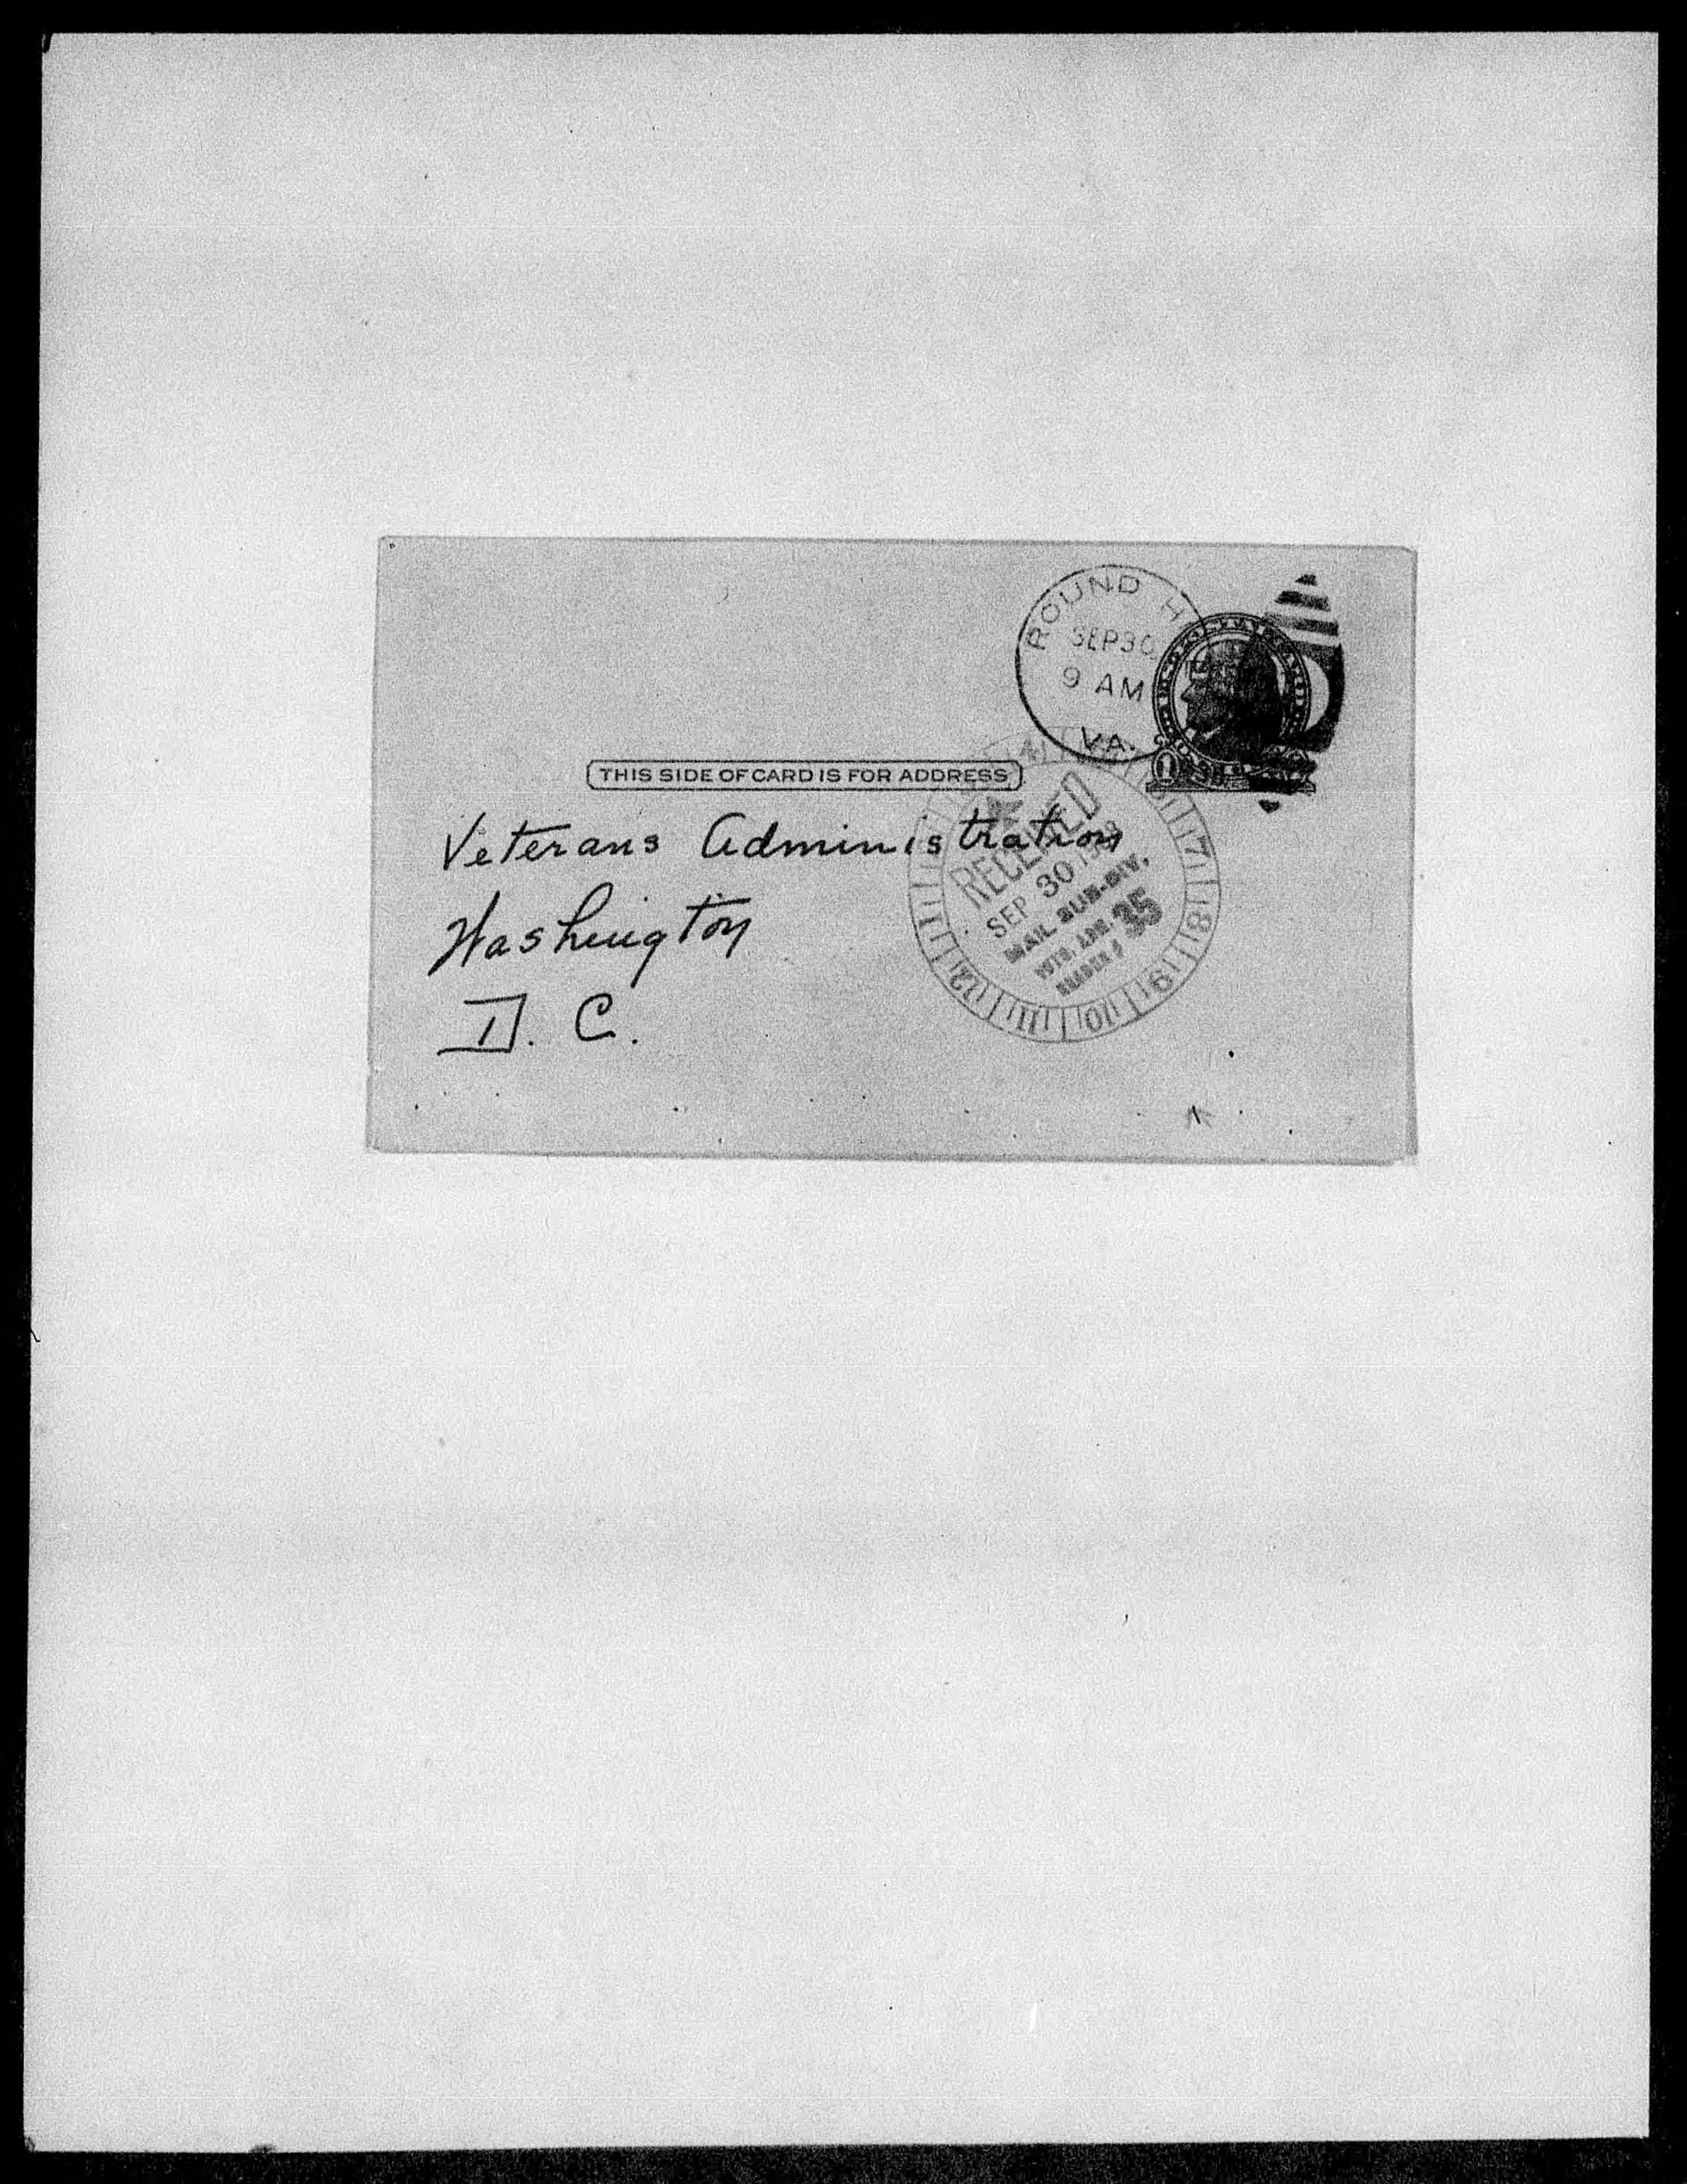This side of card is for address

Veterans Administration
Washington D.C.


[Post marked Round H
Sep 30 9am]

[Stamped Received Sep 30 1938]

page: 32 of 64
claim: survivor's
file: S. 6887, Peter Gideon, Md.